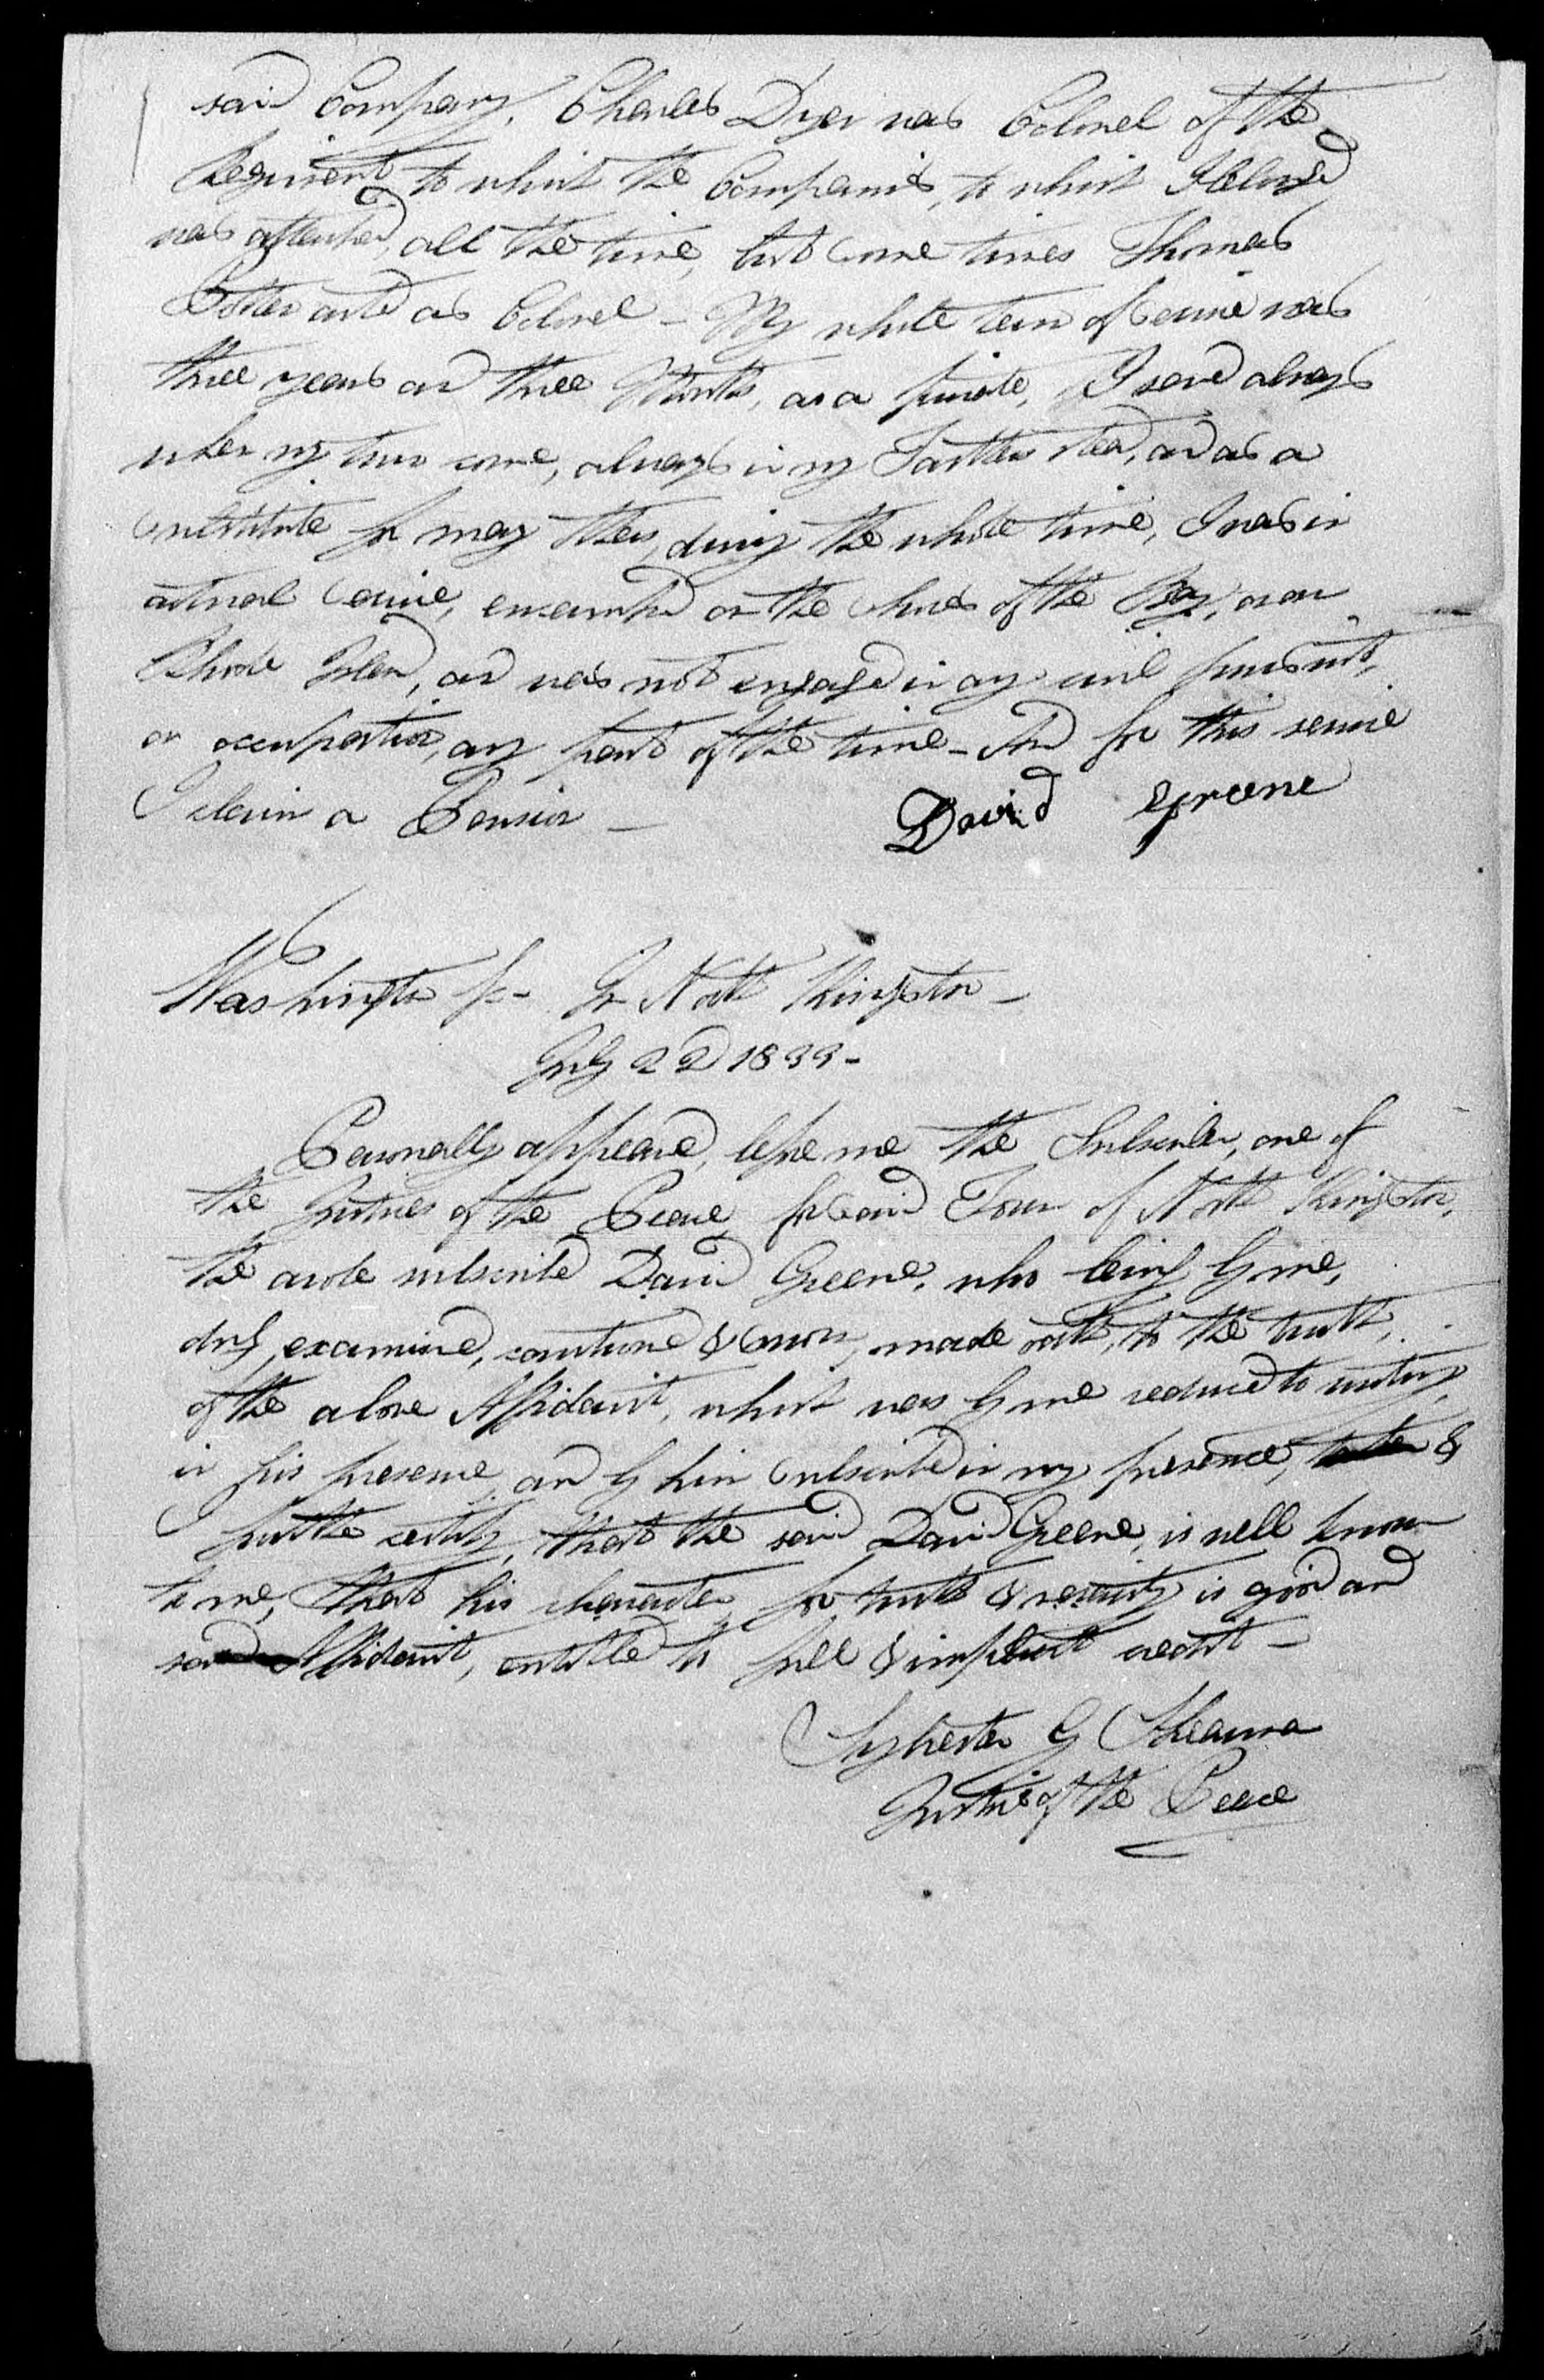said Company, Charles Dyer was Colonel of the
Regiment to which the company to which I belonged
was (illegible), all the time, but some times Thomas
Potter acted as Colonel. My whole term of service was
three years and three months, as a private. I served always 
when my time came, always in my (illegible), and as a
substitute for many others, during the whole time, I was in 
actual service, encamped on the (illegible) of the (illegible), on Rhode Island, and was not engaged in any (illegible) pursuit
or occupation, any part of the time. And for this service
I claim a Pension.
David Greene

Washington (illegible) North Kingston-
July 22, 1833
Personally appeared before me the subscriber, one of
the Justices of the Peace for said Town of North Kingston.
The (illegible) subscribed David Greene, who (illegible) by me
and examined, cautioned & sworn, made oath to the truth
of the above Affidavit which was by me reduced to writing
in his presence, and by him subscribed in my presence, &
I further certify that the said David Greene is well known
to me, that his character for truth & (illegible) is good and
said Affidavit, entitled to full & (illegible) (illegible).
Sylvester G. Shearman
Justice of the Peace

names: Thomas Potter, David Greene, David Greene, David Greene, Charles Dyer, Sylvester G Shearman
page: 13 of 27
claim: survivor's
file: S. 21,245, David Greene, R.I.